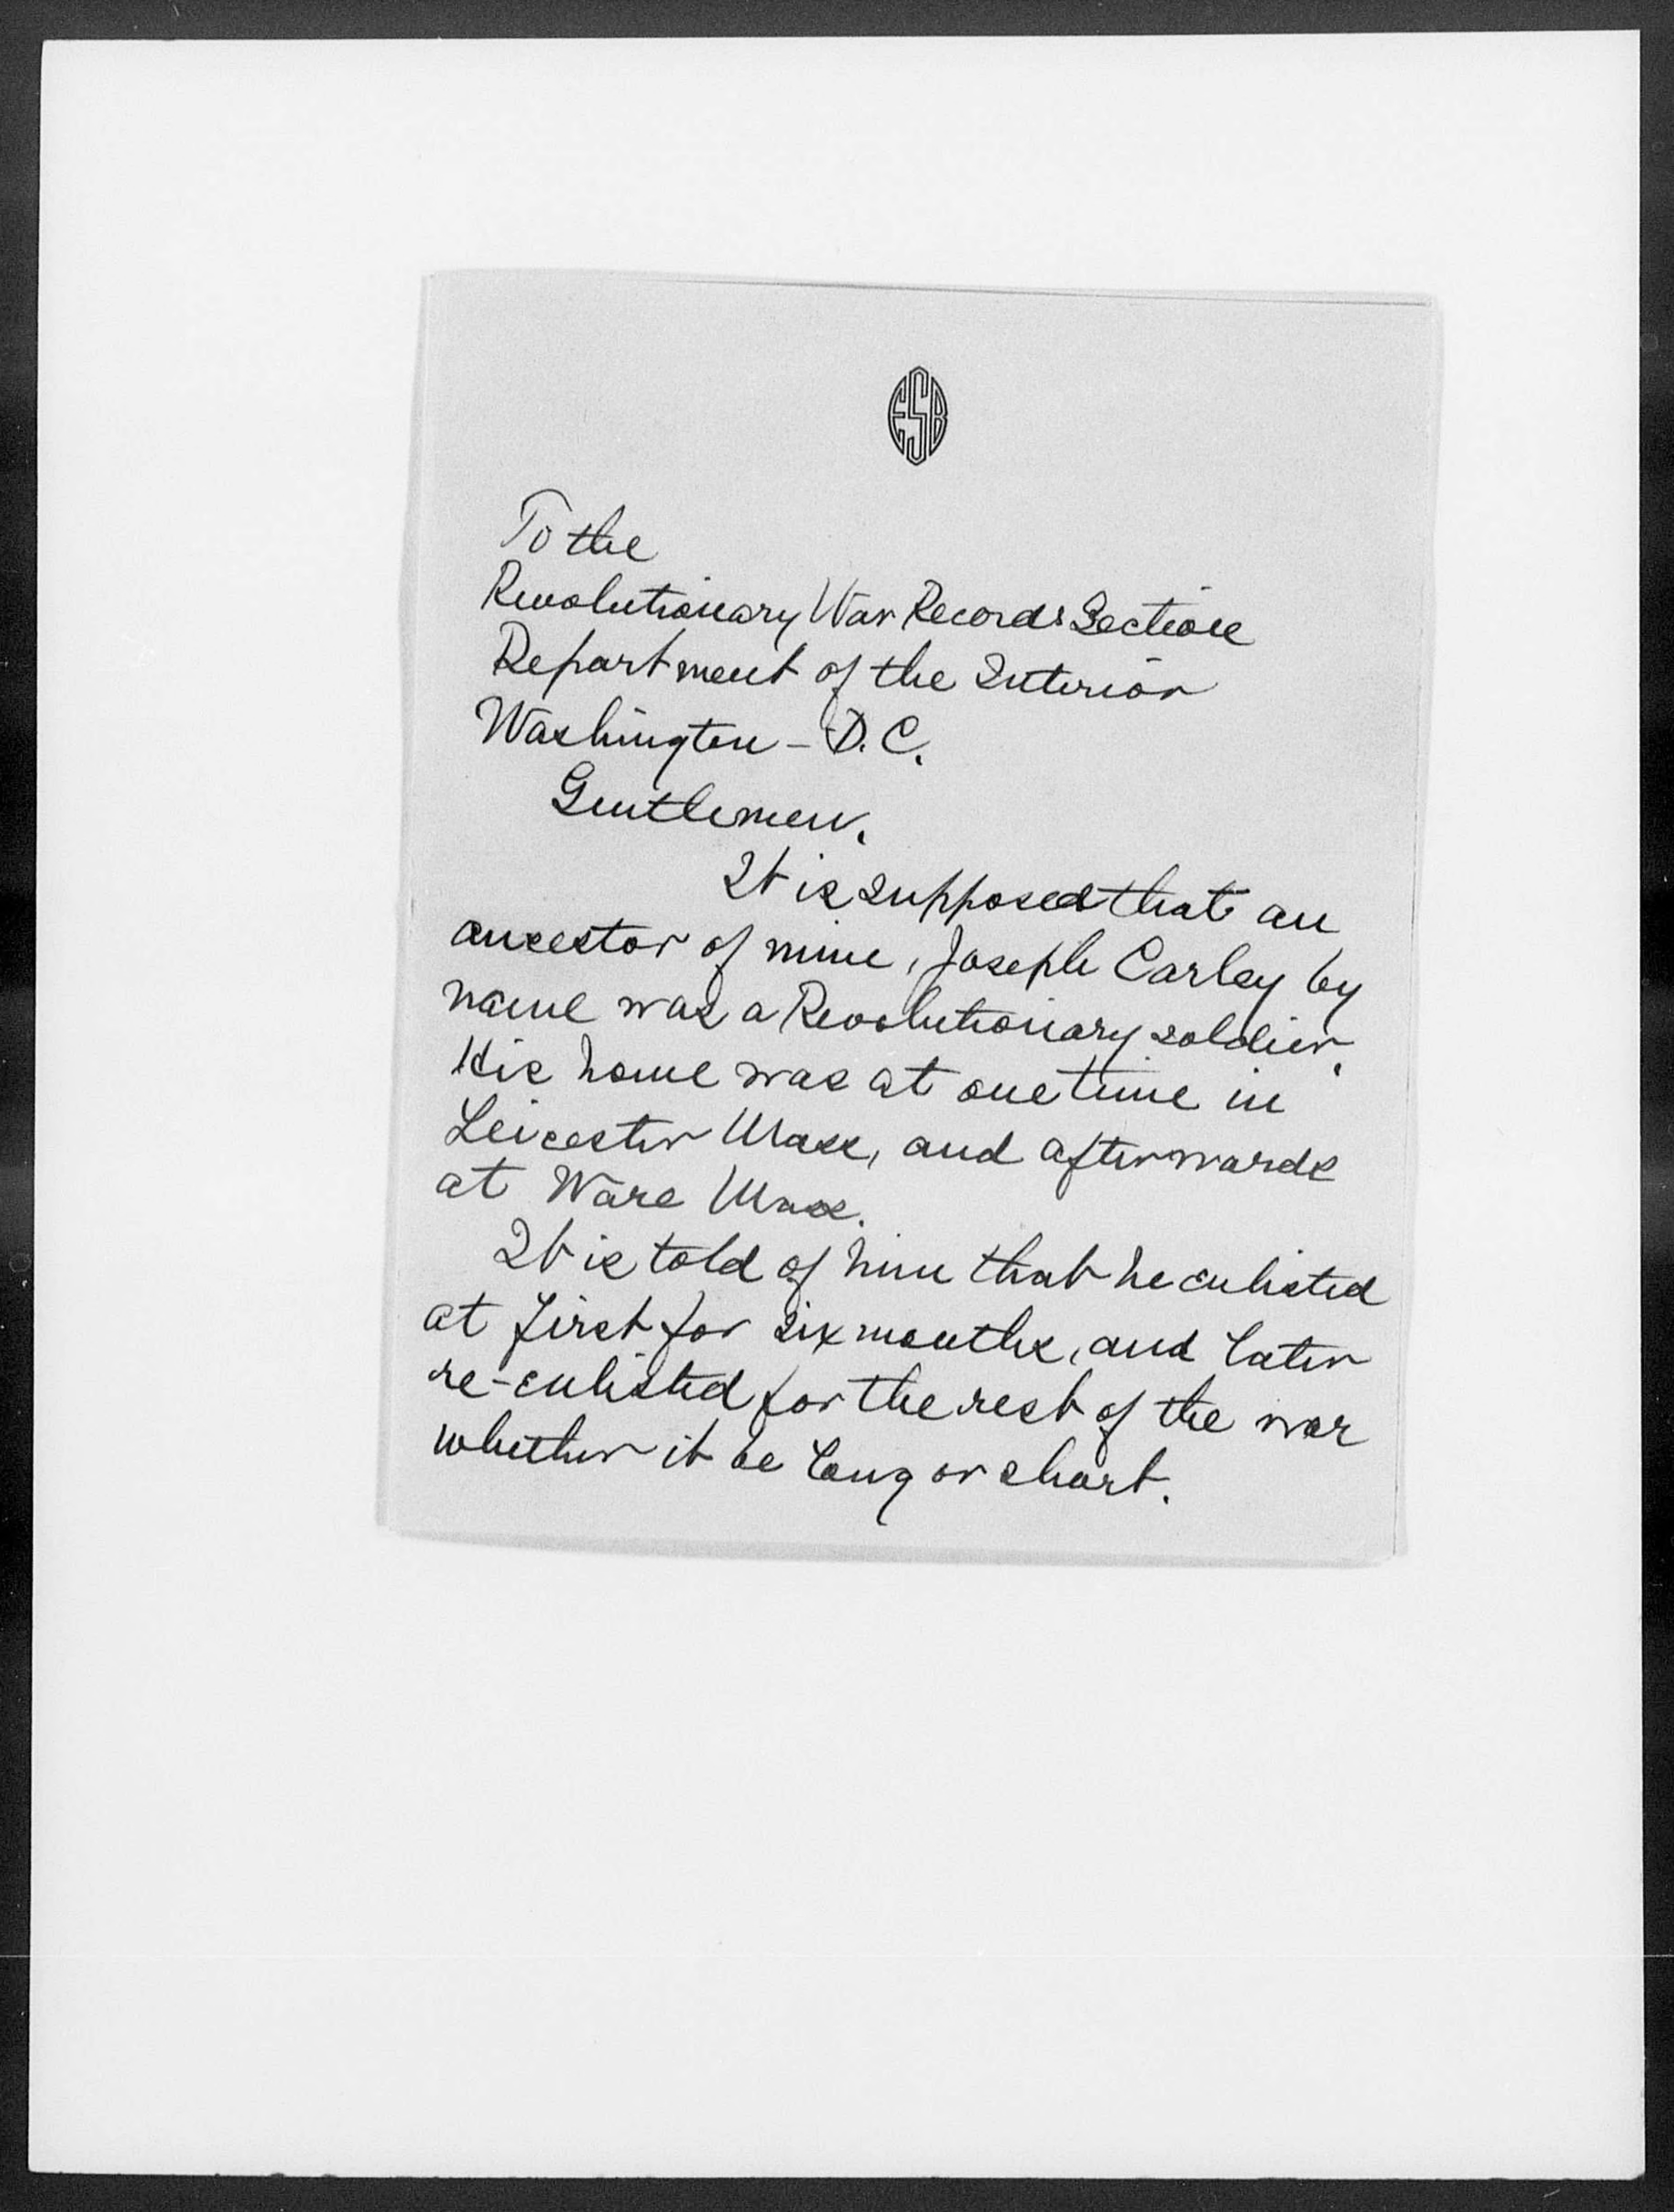To the Revolutionary War Record: Section 
Department of the Interior 
Washington, D.C.

Gentlemen,

It is supposed that an ancestor of mine, Joseph Carley by name was a Revolutionary soldier, His home was at one time in Leicester, Mass. and afterwards at Ware, Mass.
It is told of him that he enlisted at first for six months, and later re-enlisted for the rest of the war whether it be long or short.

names: Joseph Carley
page: 15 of 16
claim: survivor's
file: S. 44371, Joseph Carley, New York.